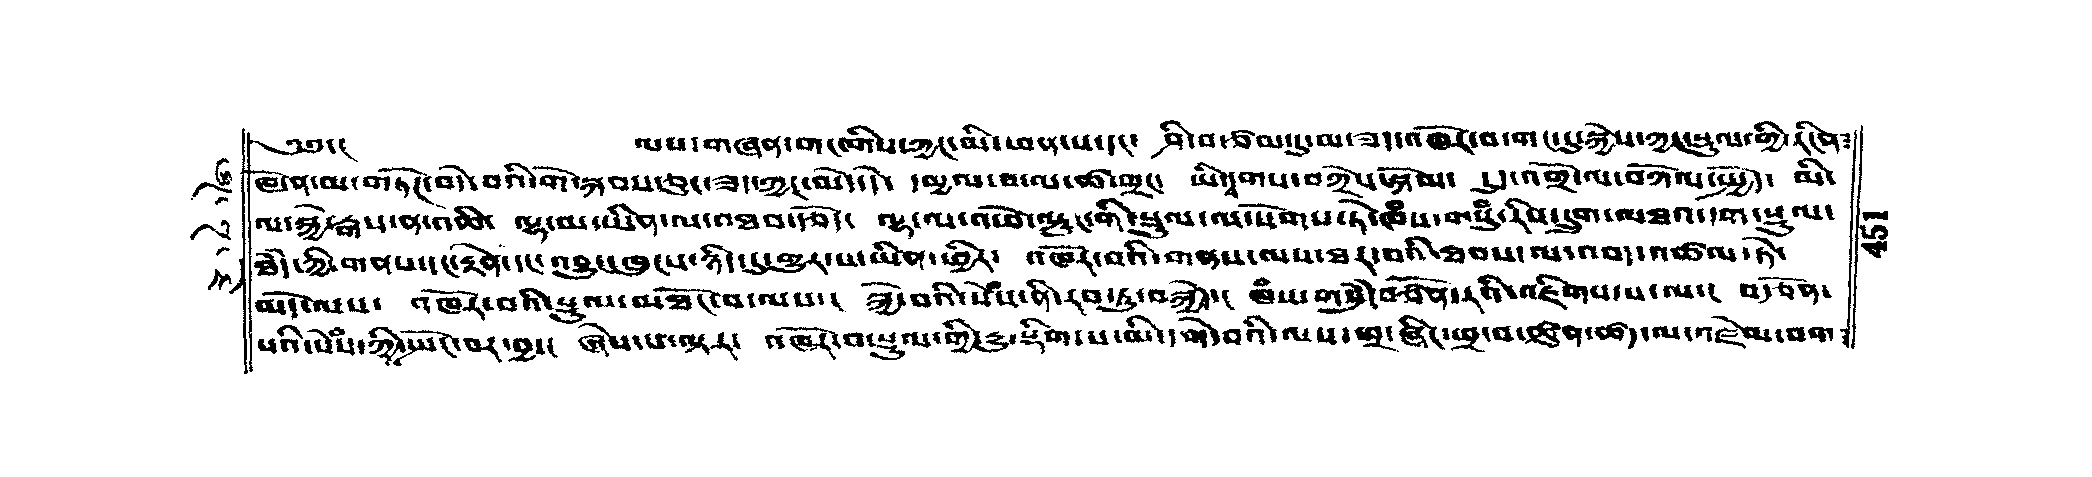ལས་གཞན་གང་གིས་ཀྱང་མི་ཕན་པ་དང་། ཤི་བ་ཙམ་དུ་མ་ཟད་འཁོར་བ་གང་དུ་སྐྱེསཀྱང་སྡུག་བསྔལ་གྱི་རང་བཞིན་
ཁོ་ན་མ་གཏོགས་བདེ་བའི་གོ་སྐབས་ཅུང་ཟད་ཀྱང་མེད་དེ། དམྱལ་བ་ལ་ཚ་གྲང་། ཡི་དྭགས་བཀྲེས་སྐོམ། དུད་འགྲོ་ལ་བཀོལ་སྤྱོད། མི་
ལ་སྐྱེ་རྒ་ན་འཆི། ལྷ་མ་ཡིན་ལ་འཐབ་རྩོད། ལྷ་ལ་འཕོ་ལྟུང་གིསྡུག་བསྔལ་ལ་སོགས་ཏེ་ཁམས་གསུམ་རིས་དྲུག་མཐའ་དག་སྡུག་བསྔལ་
ཐམས་ཅད་ཀྱི་གནས་དང་རྟེན་དང་འབྱུང་ཁུངས་ཉིད་དུ་གྱུར་བ་ཡིན་ཕྱིར། འཁོར་བའི་གནས་ལས་ཐར་བའི་ཐབས་ལལལའབད་འཚལ་ཏེ་
མདོ་ལས། འཁོར་བའི་སྡུག་བསྔལ་མཐོང་བ་ལས། །སྐྱོ་བའི་སེམས་ནི་རབ་ཏུ་བསྐྱེད། །ཁམས་གསུམ་བཙོན་རའི་འཇིགས་པ་ལ། །བཙོན་
པའི་སེམས་ཀྱི་སྤོང་བར་བྱ། །ཞེས་པ་ལྟར་འཁོར་བ་སྡུག་བསྔལ་གྱི་རྒྱུ་སྡིག་པ་མི་དགེ་བའི་ལས་ཕྲ་ཞིང་ཕྲ་བ་ཚུན་ཚད་ལ་འཛེམ།བག་